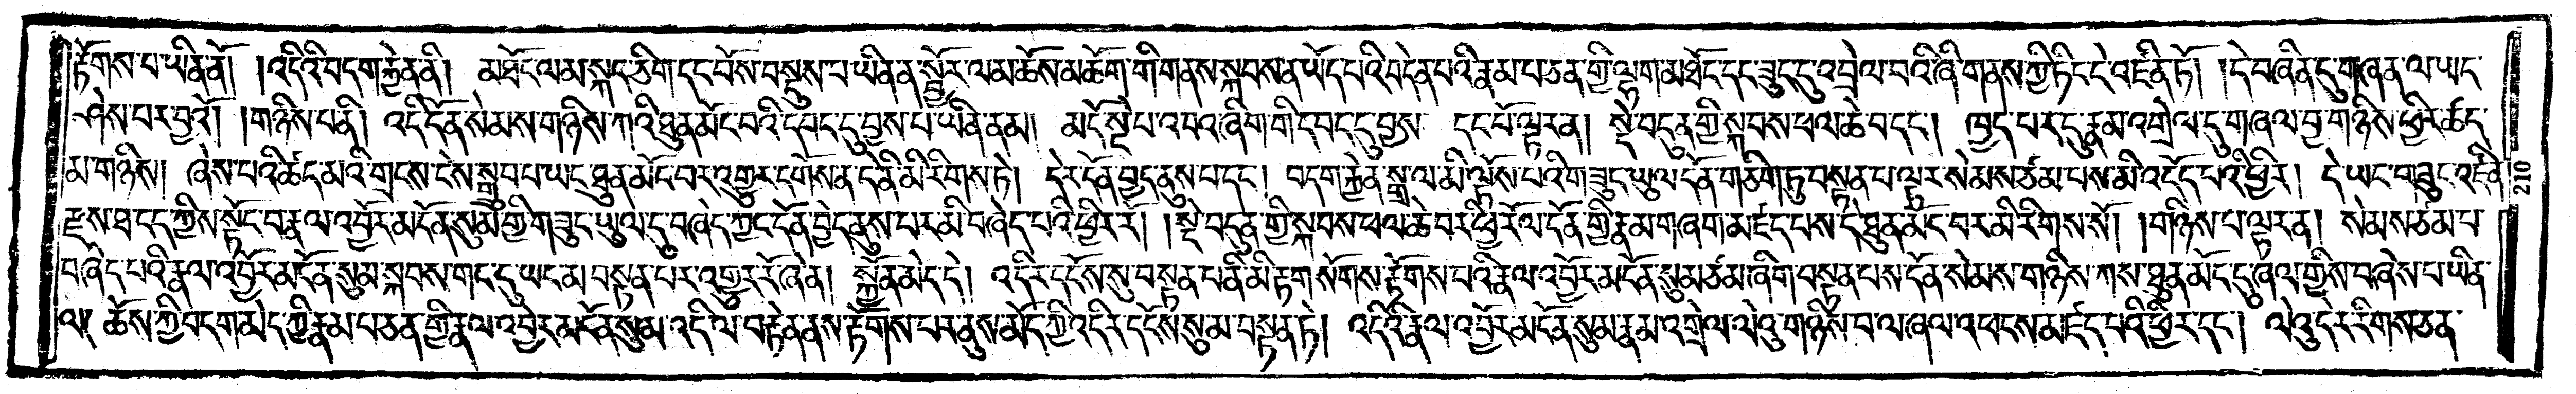རྟོགས་པ་ཡིན་ནོ། །འདིའི་བདག་རྐྱེན་ནི། མཐོང་ལམ་སྐད་ཅིག་དང་པོས་བསྡུས་པ་ཡིན་ན་སྦྱོར་ལམ་ཆོས་མཆོག་གི་གནས་སྐབས་ན་ཡོད་པའི་བདེན་པའི་རྣམ་པ་ཅན་གྱི་ལྷག་མཐོང་དང་ཟུང་དུ་འབྲེལ་བའི་ཞི་གནས་ཀྱི་ཏིང་ངེ་འཛིན་ཏོ། །དེ་བཞིན་དུ་གཞན་ལ་ཡང་
ཤེས་པར་བྱའོ། །གཉིས་པ་ནི། འདི་དོན་སེམས་གཉིས་ཀའི་ཐུན་མོང་བའི་དབང་དུ་བྱས་པ་ཡིན་ནམ། མདོ་སྡེ་པ་འབའ་ཞིག་གི་དབང་དུ་བྱས་པ་དང་པོ་ལྟར་ན། སྡེ་བདུན་གྱི་སྐབས་ཕལ་ཆེ་བ་དང་། ཁྱད་པར་དུ་རྣམ་འགྲེལ་དུ་གཞལ་བྱ་གཉིས་ཕྱིར་ཚད་
མ་གཉིས། ཞེས་པའི་ཚད་མའི་གྲངས་ངེས་སྒྲུབ་པ་ཡང་ཐུན་མོང་བར་འགྱུར་དགོས་ན་དེ་ནི་མི་རིགས་ཏེ། དེར་དོན་བྱད་ནུས་པ་དང་། བདག་རྐྱེན་སྒྲ་ལ་མི་ལྟོས་པའི་གཟུང་ཡུལ་དོན་གཅིག་ཏུ་བསྟན་པ་ལྟར་སེམས་ཙམ་པས་མི་འདོད་པའི་ཕྱིར། དེ་ཡང་གཟུང་འཛིན་
རྫས་ཐ་དད་ཀྱིས་སྟོང་བ་རྣལ་འབྱོར་མངོན་སུམ་གྱི་གཟུང་ཡུལ་དུ་བཞེད་ཀྱང་དོན་བྱེད་ནུས་པར་མི་བཞེད་པའི་ཕྱིར་རོ། །སྡེ་བདུན་གྱི་སྐབས་ཕལ་ཆེ་བར་ཕྱི་རོལ་དོན་གྱི་རྣམ་གཞག་མཛད་པས་དེ་ཐུན་མོང་བར་མི་རིགས་སོ། །གཉིས་པ་ལྟར་ན། སེམས་ཙམ་པ་
བཞེད་པའི་རྣལ་འབྱོར་མངོན་སུམ་སྐབས་གང་དུ་ཡང་མ་བསྟན་པར་འགྱུར་རོ་ཞེ་ན། སྐྱོན་མེད་དེ། འདིར་དངོས་སུ་བསྟན་པ་ནི་མི་རྟག་སོགས་རྟོགས་པའི་རྣལ་འབྱོར་མངོན་སུམ་ཙམ་ཞིག་བསྟན་པས་དོན་སེམས་གཉིས་ཀས་ཐུན་མོང་དུ་ཞལ་གྱིས་བཞེས་པ་ཡིན་
ལ། ཆོས་ཀྱི་བདག་མེད་ཀྱི་རྣམ་པ་ཅན་གྱི་རྣལ་འབྱོར་མངོན་སུམ་འདི་ལ་བརྟེན་ནས་རྟོགས་པར་ནུས་མོད་ཀྱི་འདིར་དངོས་སུ་མ་བསྟན་ཏེ། འདིའི་རྣལ་འབྱོར་མངོན་སུམ་རྣམ་འགྲེལ་ལེའུ་གཉིས་པ་ལ་ཞལ་འཕངས་མཛད་པའི་ཕྱིར་དང་། ལེའུ་དེར་རིགས་ཅན་